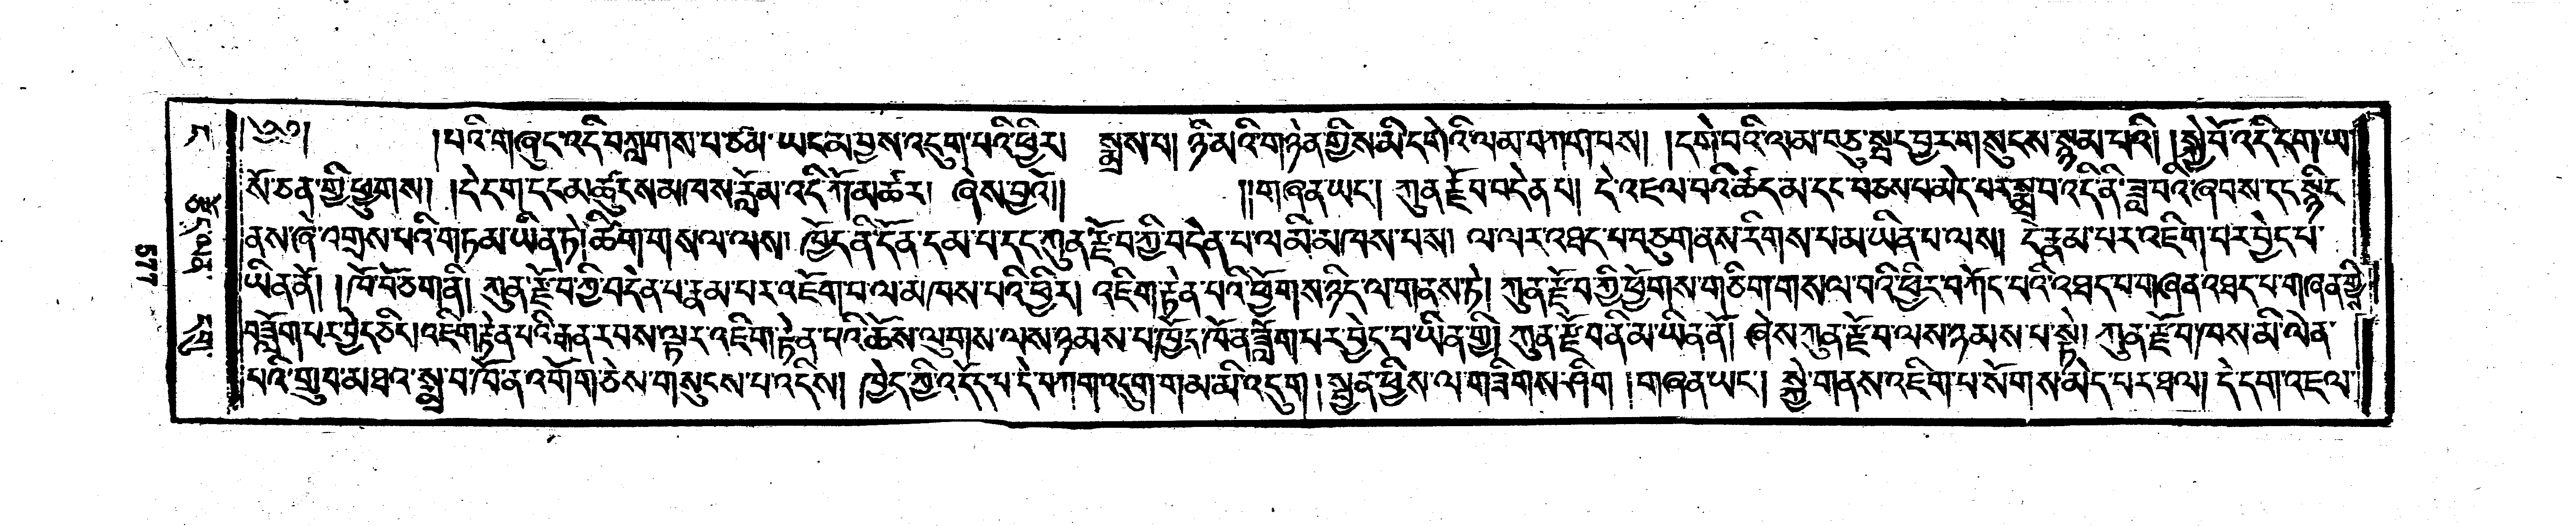༄༅། །པའི་གཞུང་འདི་བཀླགས་པ་ཙམ་ཡང་མ་བྱས་འདུག་པའི་ཕྱིར། སྨྲས་པ། ཉི་མའི་གཉེན་གྱིས་མི་དགེའི་ལམ་བཀག་པས། །དགེ་བའི་ལམ་བཅུ་སྤང་བྱར་གསུངས་སྙམ་པའི། །སྐྱེ་བོ་འདི་དག་ཡ་
སོ་ཅན་གྱི་ཕྱུགས། །དེ་དག་དང་མཚུངས་མཁས་རློམ་འདི་ཀོ་མཚར། ཞེས་བྱའོ།། །།གཞན་ཡང་། ཀུན་རྫོབ་བདེན་པ། དེ་འཇལ་བའི་ཚད་མ་དང་བཅས་པ་མེད་པར་སྨྲ་བ་འདི་ནི། ཟླ་བའི་ཞབས་དང་སྙིང་
ནས་ཞེ་འགྲས་པའི་གཏམ་ཡིན་ཏེ། ཚིག་གསལ་ལས། ཁྱོད་ནི་དོན་དམ་པ་དང་ཀུན་རྫོབ་ཀྱི་བདེན་པ་ལ་མི་མཁས་པས། ལ་ལར་འཐད་པ་བཅུག་ནས་རིགས་པ་མ་ཡིན་པ་ལས། དེ་རྣམ་པར་འཇིག་པར་བྱེད་པ་
ཡིན་ནོ། །ཁོ་བོ་ཅག་ནི། ཀུན་རྫོབ་ཀྱི་བདེན་པ་རྣམ་པར་འཇོག་པ་ལ་མཁས་པའི་ཕྱིར། འཇིག་རྟེན་པའི་ཕྱོགས་ཉིད་ལ་གནས་ཏེ། ཀུན་རྫོབ་ཀྱི་ཕྱོགས་གཅིག་གསལ་བའི་ཕྱིར་བཀོད་པའི་འཐད་པ་གཞན་འཐད་པ་གཞན་གྱིས་
བཟློག་པར་བྱེད་ཅིང་། འཇིག་རྟེན་པའི་རྒན་རབས་ལྟར་འཇིག་རྟེན་པའི་ཆོས་ལུགས་ལས་ཉམས་པ་ཁྱོད་ཁོ་ན་ཟློག་པར་བྱེད་པ་ཡིན་གྱི། ཀུན་རྫོབ་ནི་མ་ཡིན་ནོ། ཞེས་ཀུན་རྫོབ་ལས་ཉམས་པ་སྟེ། ཀུན་རྫོབ་ཁས་མི་ལེན་
པའི་གྲུབ་མཐའ་སྨྲ་བ་ཁོ་ན་འགོག་ཅེས་གསུངས་པ་འདིས། ཁྱེད་ཀྱི་འདོད་པ་དེ་བཀོད་འདུག་གམ་མི་འདུག །སྤྱན་ཕྱིས་ལ་གཟིགས་ཤིག །གཞན་ཡང་། སྐྱེ་གནས་འཇིག་པ་སོགས་མེད་པར་ཐལ། དེ་དག་འཇལ་